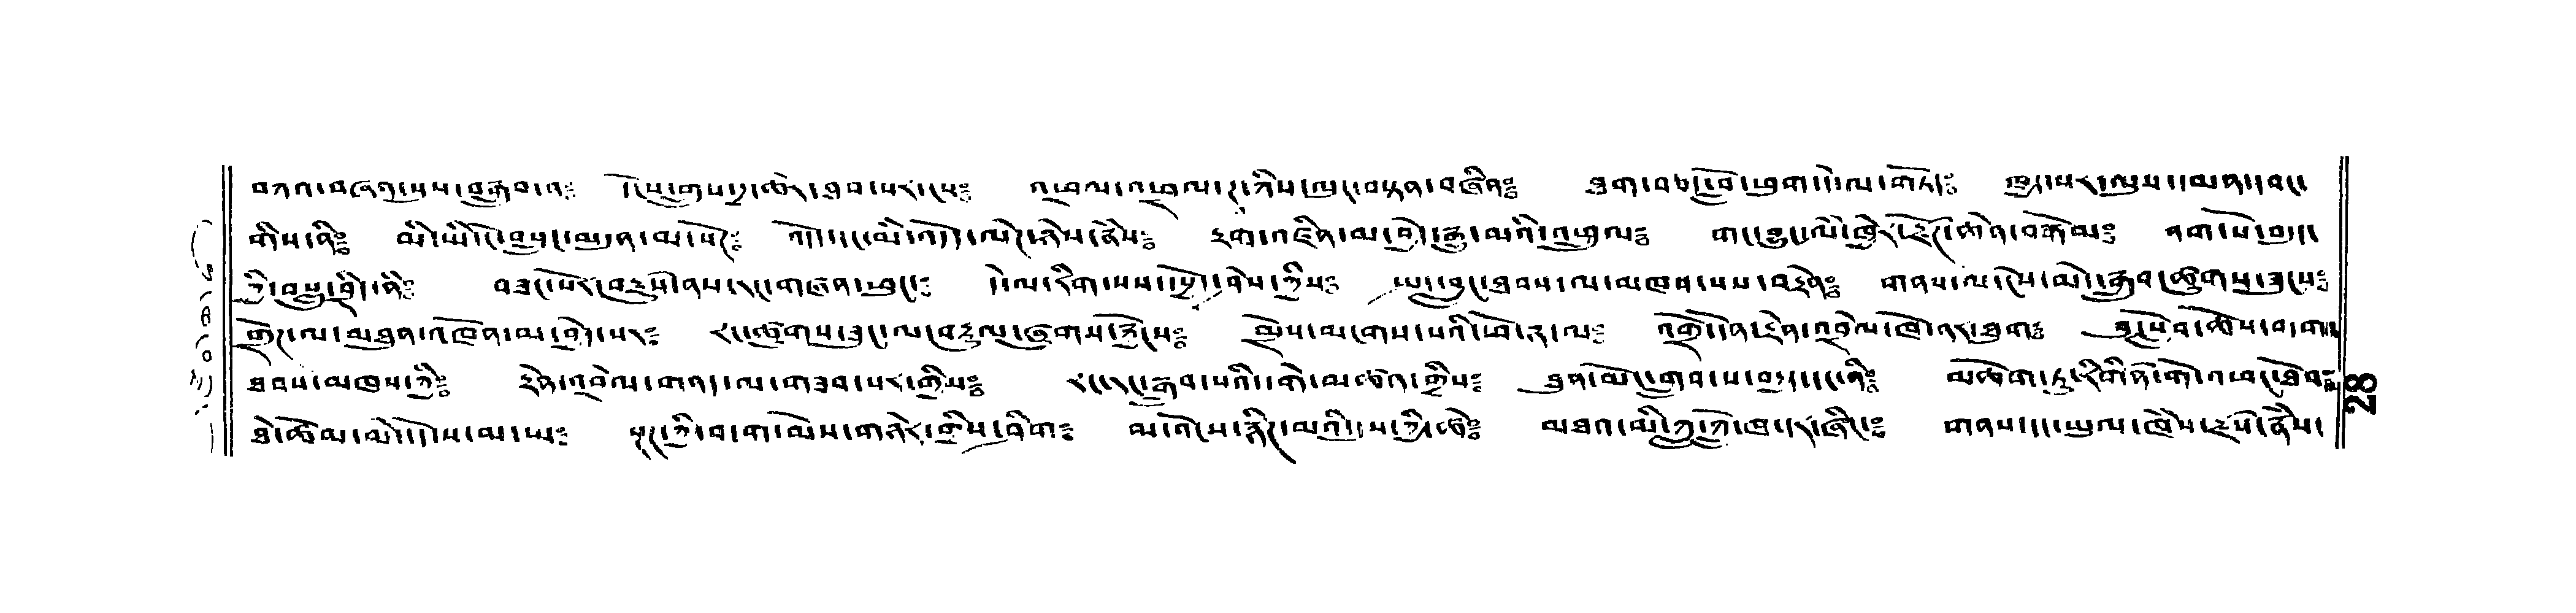བཀའ་བཞིན་སུས་བསྒྲུབ་ན༔ དངོས་གྲུབ་རྒྱ་ཆེར་ཐོབ་པར་ངེས༔ འཕྲལ་འཕྲལ་ཌཱ་ཀིས་ལུང་བསྟན་བཞིན༔ ཐག་བཅད་བློ་ཕུག་དེ་ལ་གཏོད༔ ཁྱད་པར་ལུས་དམན་དབང་
གིས་ནི༔མི་ཡི་ངོ་སྲུང་མདུན་མ་སོགས༔ འདོད་དང་མི་འདོད་ལེགས་ཉེས་རྣམས༔ རྟག་འཛིན་མ་བྱེད་སྒྱུ་མའི་འཕྲུལ༔ གང་བྱུང་ལམ་ཁྱེར་རྫོགས་ཆེན་བསྒོམ༔ ནག་པོ་བདུད་
ཀྱི་བསླུ་བྲིད་ནི༔ བཟང་པོར་བརྫུས་ནས་རང་བཞན་ཕུང༔ དེ་ལ་རིག་པས་དཔྱོད་ཤེས་ཀྱིས༔ སྤང་བླང་ཐབས་ལ་མཁས་པས་བརྟེན༔ གནས་ལས་ངེས་མེད་སྒྲུབ་ཚུགས་ཟུངས༔ 
གྲོགས་ལ་མཐུན་འཁོན་མ་བྱེད་པར༔ རང་ཚུགས་ཟུང་ལ་བརྟུལ་ཞུགས་སྐྱོངས༔ མཁའ་འགྲོས་མངགས་པའི་ཕོ་ཉ་ལ༔ འགྲོ་དོན་རྟེན་འབྲེལ་ཁོ་ནར་ཐུག༔ བུ་སློབ་ཆོས་བདག་
ཐབས་མཁས་ཀྱི༔ རྟེན་འབྲེལ་གནད་ལ་གཟབ་པར་གྱིས༔ རང་རང་སྒྲུབ་པའིདགེ་མཚན་གྱིས༔ ཐུན་མོང་གྲུབ་པ་བརྒྱད་དང་ནི༔ མཆོག་ཏུ་རིག་འཛིན་གོ་འཕང་ཐོབ༔ 
ཐེ་ཚོམ་མེད་དོ་ས་མ་ཡ༔ སྔགས་ཀྱི་བདག་མོས་གཉེར་གྱིས་ཤིག༔ མ་འོངས་སྙིགས་མའི་དུས་ཀྱི་ཚེ༔ མཐའ་མི་ཀླ་ཀློ་ཁ་དར་ཞིང༔ གནས་དང་ཡུལ་ཁམས་རྫས་རྣམས་